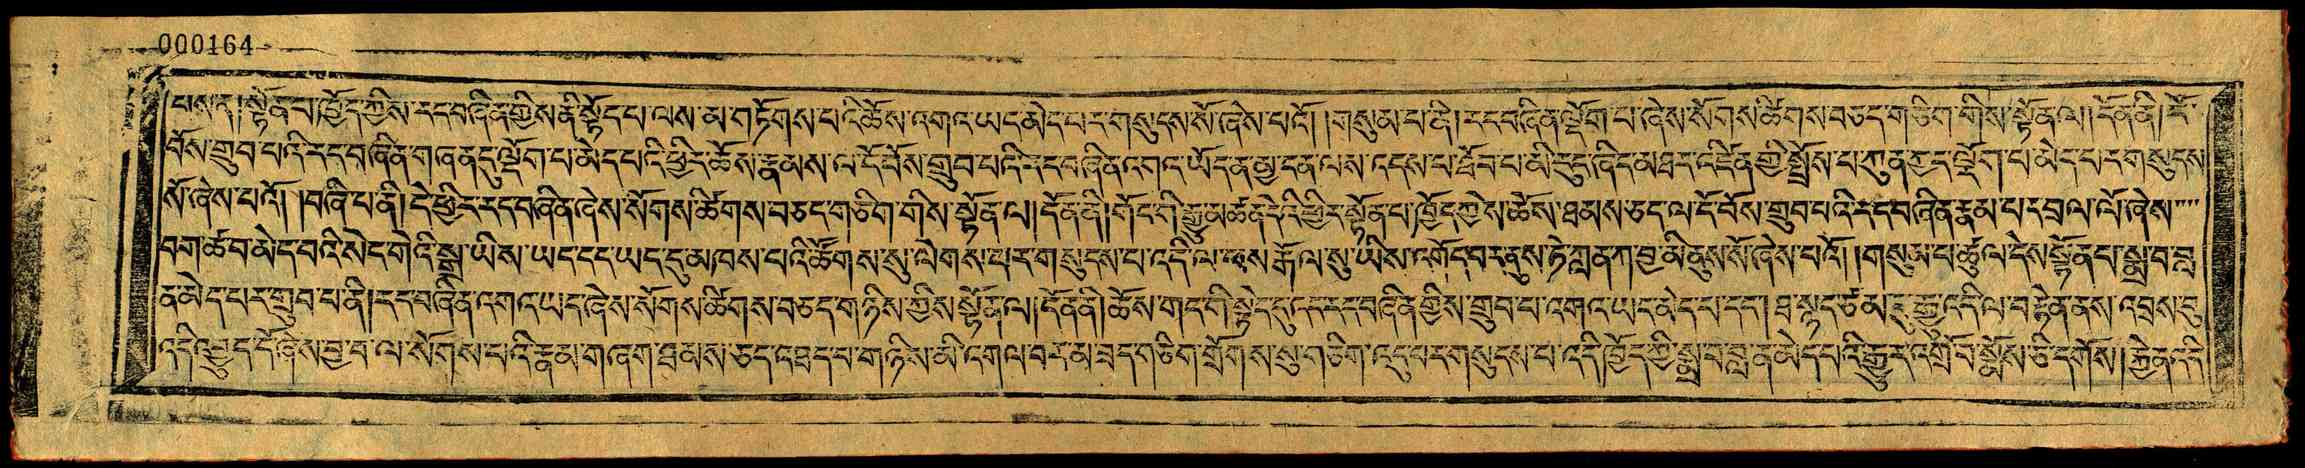པས་ན། སྟོན་པ་ཁྱོད་ཀྱིས་རང་བཞིན་གྱིས་ནི་སྟོང་པ་ལས་མ་གཏོགས་པའི་ཆོས་འགའ་ཡང་མེད་པར་གསུངས་སོ་ཞེས་པའོ། །གསུམ་པ་ནི། རང་བཞིན་ལྡོག་པ་ཞེས་སོགས་ཚིགས་བཅད་གཅིག་གིས་སྟོན་ལ། དོན་ནི། ངོ་
བོས་གྲུབ་པའི་རང་བཞིན་གཞན་དུ་ལྡོག་པ་མེད་པའི་ཕྱིར་ཆོས་རྣམས་ལ་ངོ་བོས་གྲུབ་པའི་རང་བཞིན་འགའ་ཡོད་ན་མྱ་ངན་ལས་འདས་པ་ཐོབ་པ་མི་རུང་ཞིང་མཐར་འཛིན་གྱི་སྤྲོས་པ་ཀུན་ཀྱང་ལྡོག་པ་མེད་པར་གསུངས་
སོ་ཞེས་པའོ། །བཞི་པ་ནི། དེ་ཕྱིར་རང་བཞིན་ཞེས་སོགས་ཚིགས་བཅད་གཅིག་གིས་སྟོན་ལ། དོན་ནི། གོང་གི་རྒྱུ་མཚན་དེའི་ཕྱིར་སྟོན་པ་ཁྱོད་ཀྱིས་ཆོས་ཐམས་ཅད་ལ་ངོ་བོས་གྲུབ་པའི་རང་བཞིན་རྣམ་པར་བྲལ་ལོ་ཞེས་
བག་ཚ་བ་མེད་པའི་སེང་གེའི་སྒྲ་ཡིས་ཡང་དང་ཡང་དུ་མཁས་པའི་ཚོགས་སུ་ལེགས་པར་གསུངས་པ་འདི་ལ་ཕས་རྒོལ་སུ་ཡིས་འགོད་བར་ནུས་ཏེ་ཀླན་ཀ་བྱ་མི་ནུས་སོ་ཞེས་པའོ། །གསུམ་པ་ཚུལ་ངེས་སྟོན་པ་སྨྲ་བ་བླ་
ན་མེད་པར་གྲུབ་པ་ནི། རང་བཞིན་འགའ་ཡང་ཞེས་སོགས་ཚིགས་བཅད་གཉིས་ཀྱིས་སྟོན་ལ། དོན་ནི། ཆོས་གང་གི་སྟེང་དུ་འང་རང་བཞིན་གྱིས་གྲུབ་པ་འགའ་ཡང་མེད་པ་དང་། ཐ་སྙད་ཙམ་དུ་རྒྱུ་འདི་ལ་བརྟེན་ནས་འབྲས་བུ་
འདི་འབྱུང་ངོ་ཞེས་བྱ་བ་ལ་སོགས་པའི་རྣམ་གཞག་ཐམས་ཅད་འཐད་པ་གཉིས་མི་འགལ་བར་མ་ཟད་གཅིག་གྲོགས་སུ་གཅིག་འདུ་བར་གསུངས་པ་འདི་ཁྱོད་ཀྱི་སྨྲ་བ་བླ་ན་མེད་པའི་རྒྱུར་འགྲོ་བ་སྨོས་ཅི་དགོས། རྐྱེན་འདི་